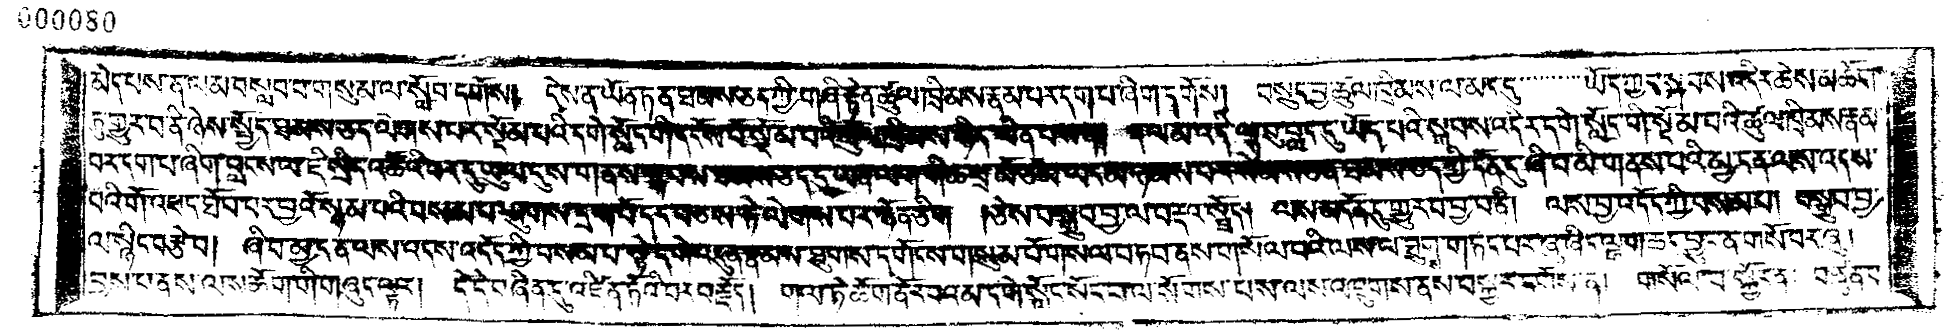མེད་པས་ན་ལམ་བསླབ་པ་གསུམ་ལ་སློབ་དགོས། དེས་ན་ཡོན་ཏན་ཐམས་ཅད་ཀྱི་གཞི་རྟེན་ཚུལ་ཁྲིམས་རྣམ་པར་དག་པ་ཞིག་དགོས། བསྲུང་བྱ་ཚུལ་ཁྲིམས་ལ་མང་དུ་ཡོད་ཀྱང་སྐབས་འདིར་ཆེས་མཆོག་
ཏུ་གྱུར་བ་ནི་ཉེས་སྤྱོད་ཐམས་ཅད་ལེགས་པར་སྡོམ་པའི་དགེ་སློང་གི་དངོས་པོ་སྡོམ་པའི་ཚུལ་ཁྲིམས་ཉིད་ཡིན་པས་ན། ད་ལམ་འདི་ལྟ་བུ་བླང་དུ་ཡོད་པའི་སྐབས་འདིར་དགེ་སློང་གི་སྡོམ་པའི་ཚུལ་ཁྲིམས་རྣམ་
པར་དག་པ་ཞིག་བླངས་ལ་ཇི་སྲིད་འཚོའི་བར་དུ་ཡུལ་དུས་གནས་སྐབས་ཐམས་ཅད་དུ་ཡན་ལག་གི་ཆ་ཕྲ་མོ་ཙམ་ཡང་མ་ཉམས་པར་སེམས་ཅན་ཐམས་ཅད་ཀྱི་དོན་དུ་ཞི་བ་མི་གནས་པའི་མྱ་ངན་ལས་འདས་
པའི་གོ་འཕང་ཐོབ་པར་བྱའོ་སྙམ་པའི་བསམ་པ་ཤུགས་དྲག་པོ་དང་བཅས་ཏེ་ལེགས་པར་ཉོན་ཅིག །ཅེས་བསྒྲུབ་བྱ་ལ་བརྡའ་སྤྲོད། ལས་མངོན་དུ་གྱུར་བ་བྱ་བ་ནི། ལས་བྱ་འདོད་ཀྱི་བསམ་པ། བསྒྲུབ་བྱ་
ལ་སྙིང་བརྩེ་བ། ཞི་བ་མྱ་ངན་ལས་འདས་འདོད་ཀྱི་བསམ་པ་སྟེ་དགེ་འདུན་རྣམས་ཐུགས་དགོངས་གསུམ་པོ་གསལ་བཏབ་ནས་གསོལ་བའི་ལས་ལ་ཐུགས་གཏད་པར་ཞུ་ཞིང་ལྷག་ཆད་བྱུང་ན་གསོ་བར་ཞུ།
བྱས་པ་ནས་ལས་ཆོག་གི་གཞུང་ལྟར། དེ་དེ་བཞིན་དུ་འཛིན་ཏོའི་བར་བརྗོད། གལ་ཏེ་ཆོ་ག་ནོར་བའམ་དགེ་སློང་སོང་བ་ལ་སོགས་པས་ལས་འཁྲུགས་ནས་བསྐྱར་དགོས་ན། གསོལ་བ་སྐྱོར་ན། བཙུན་པ་